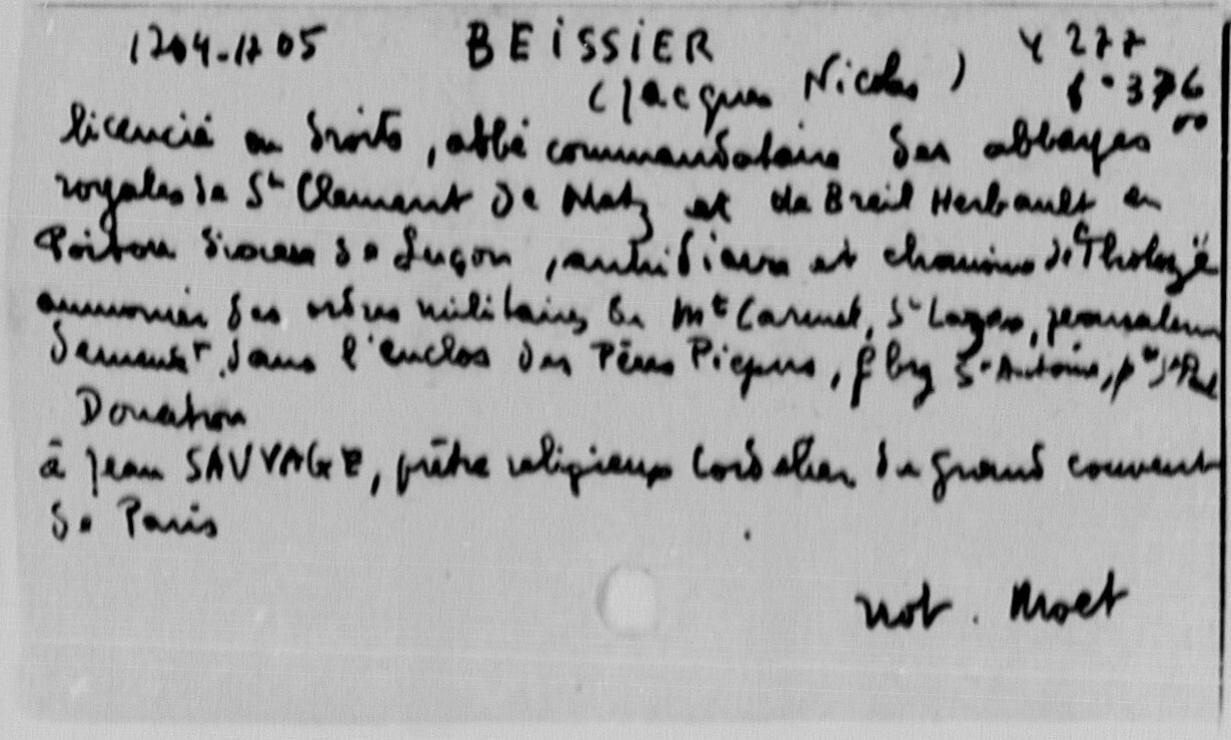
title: BEISSIER (Jacques Nicoles)
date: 1704-1705
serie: Y
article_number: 277
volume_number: fol. 376v
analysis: Licencié en droits, abbé commandataire des abbayes royales de Saint-Clément de Metz et de Breil Herbault en Poitou, diocèse de Luçon, archidiacre et chanoine de Tholozé, aumônier des ordres militaires de Mont Carmel, Saint Lazare, Jérusalem, demeurant dans l'enclos des Pères Piecpus, faubourg Saint-Antoine, poroisse Saint Paul Donation à Jean SAUVAGE, prêtre religieux Cordelier du grand couvent de Paris. Notaire Moet.
